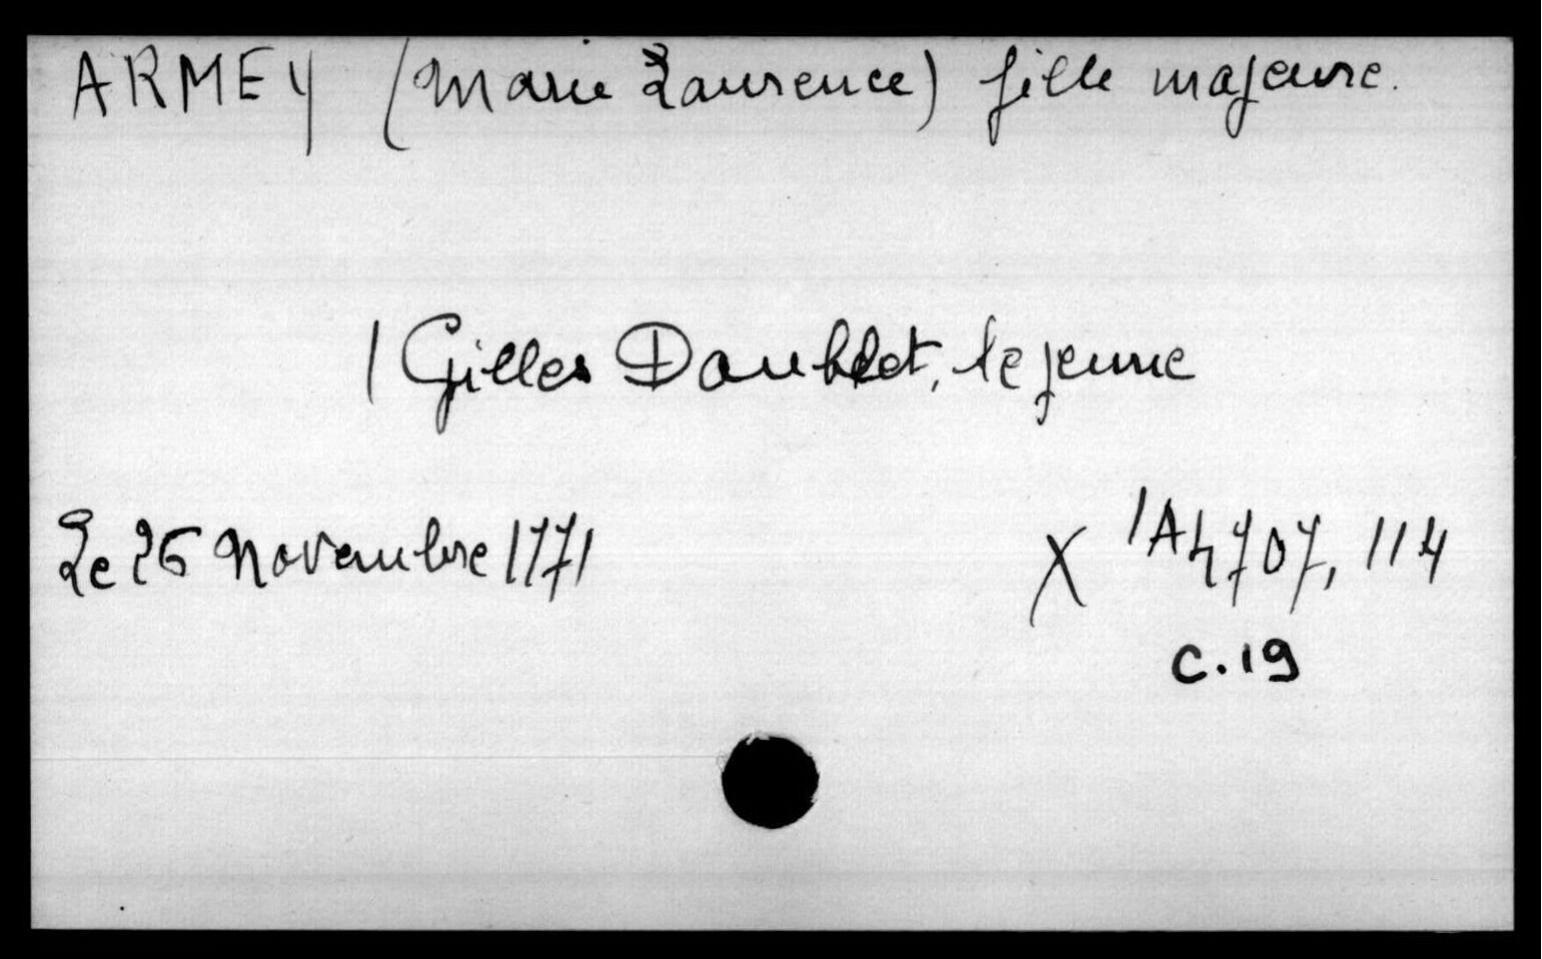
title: ARMEY (Marie Laurence) fille majeure
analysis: Contre Gilles Daublet, le jeune
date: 26 novembre 1771
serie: X1A
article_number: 4707
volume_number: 114 Conseil, 19
